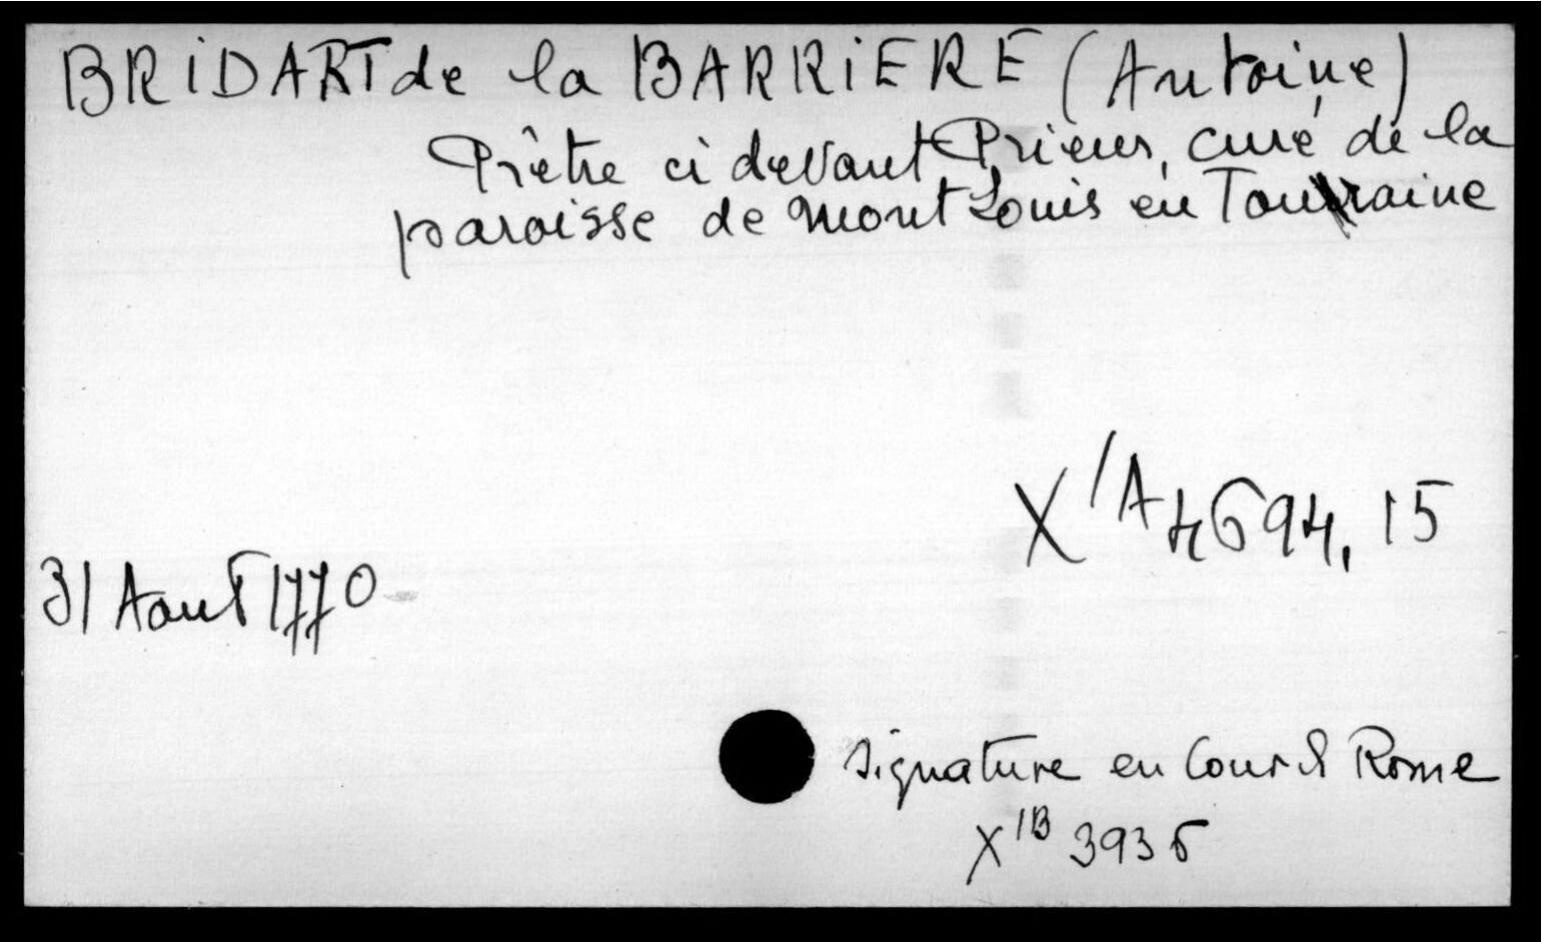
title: BRIDART de la BARRIERE (Antoine) Prêtre ci-devant Prieur, curé de la paroisse de Mont Louis en Touraine
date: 31 août 1770
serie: X1A
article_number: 4694
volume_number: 15
